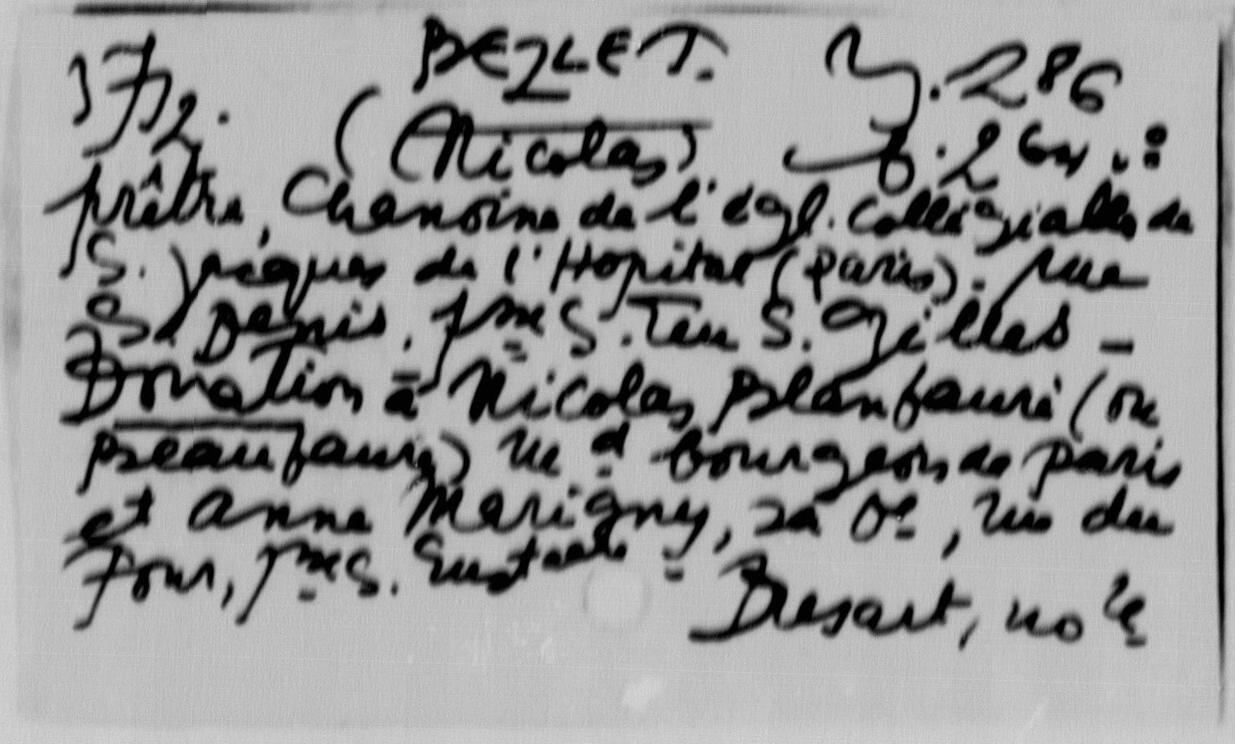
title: BELLET (Nicolas)
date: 1712
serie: Y
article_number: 286
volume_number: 264v
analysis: prêtre, chanoine de l'église collégiale de Saint- Jacques de l'Hôpital (Paris), rue Saint-Denis, paroisse Saint-Leu Saint-Gilles. Donation à Nicolas Blanfauré (ou Beaufauré) marchand bourgeois de Paris et Anne Marigny, sa femme, rue du Jour, paroisse Saint-Eustache. Desart, notaire.
